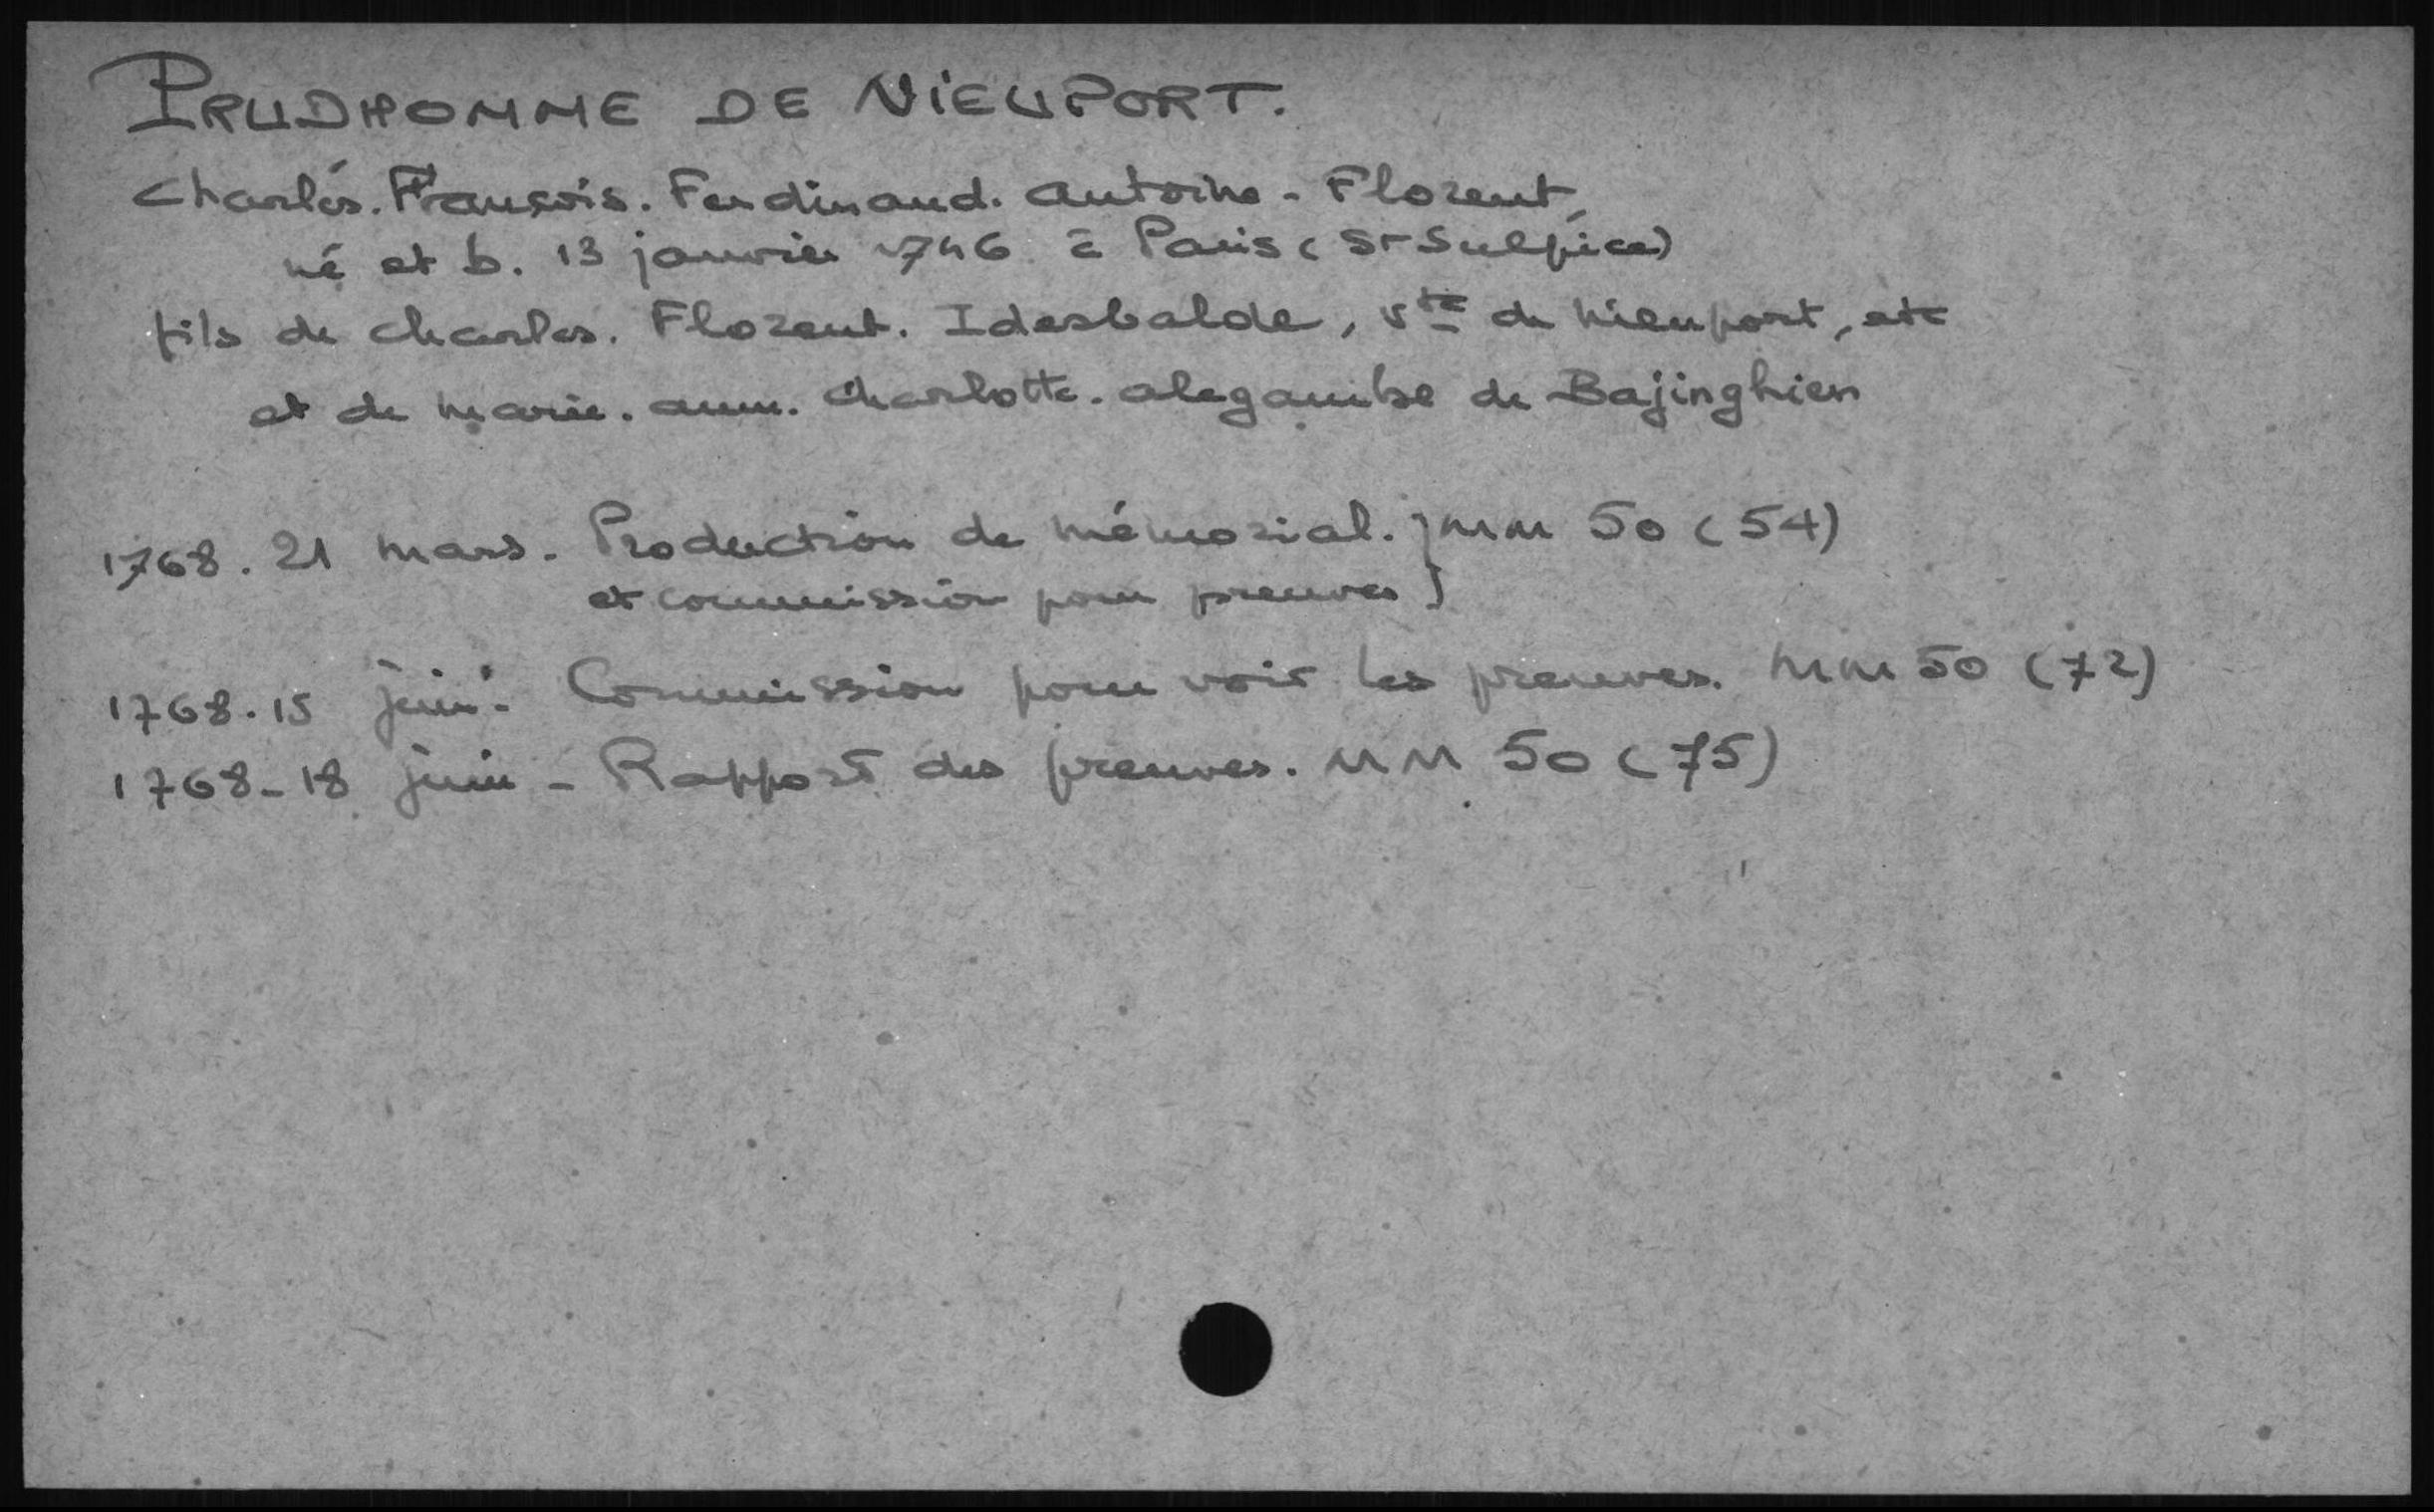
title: PRUDHOMME DE NIEUPORT Charles-François-Ferdinand-Antoine-Florent né et baptisé 13 janvier 1746 à Paris (Saint Sulpice) fils de Charles-Florent-Idesbalde, vicomte de Nieuport, etc et de Marie-Anne-Charlotte-Alegambe de Bajinghien
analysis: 1768, 21 mars. Production de mémorial et commission pour preuves. MM 50 (54) 1768, 15 juin. Commission pour voir les preuves. MM 50 (72) 1768, 18 juin. Rapport des preuves. MM 50 (75)
